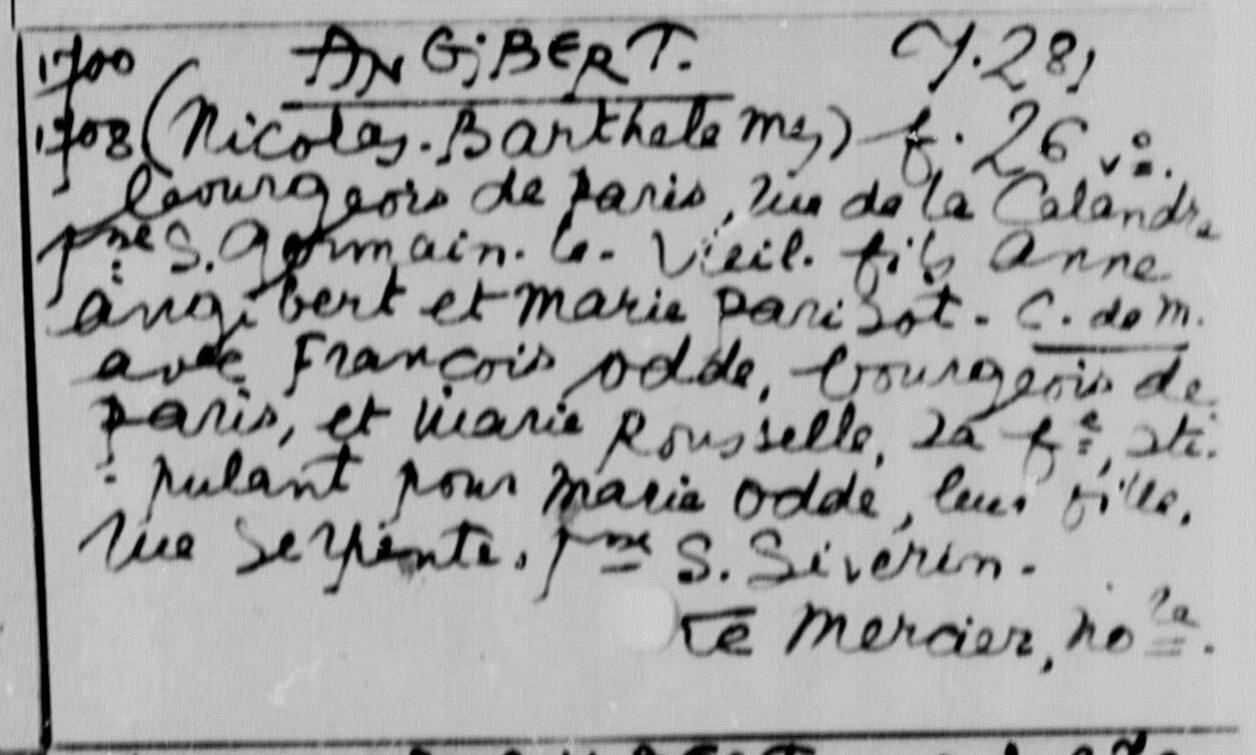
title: ANGIBERT (Nicolas-Barthélémy)
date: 1700-1708
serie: Y
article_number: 281
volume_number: folio 26 verso
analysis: Bourgeois de Paris, rue de la Calandre, paroisse Saint Germain-le-vieil, fils Anne Angibert et Marie Parisot. Contrat de mariage avec François Odde, bourgeois de Paris et Marie Rousselle, sa femme, stipulant pour Marie Odde, leur fille, rue Serpente, paroisse Saint Séverin. Le Mercier, notaire
